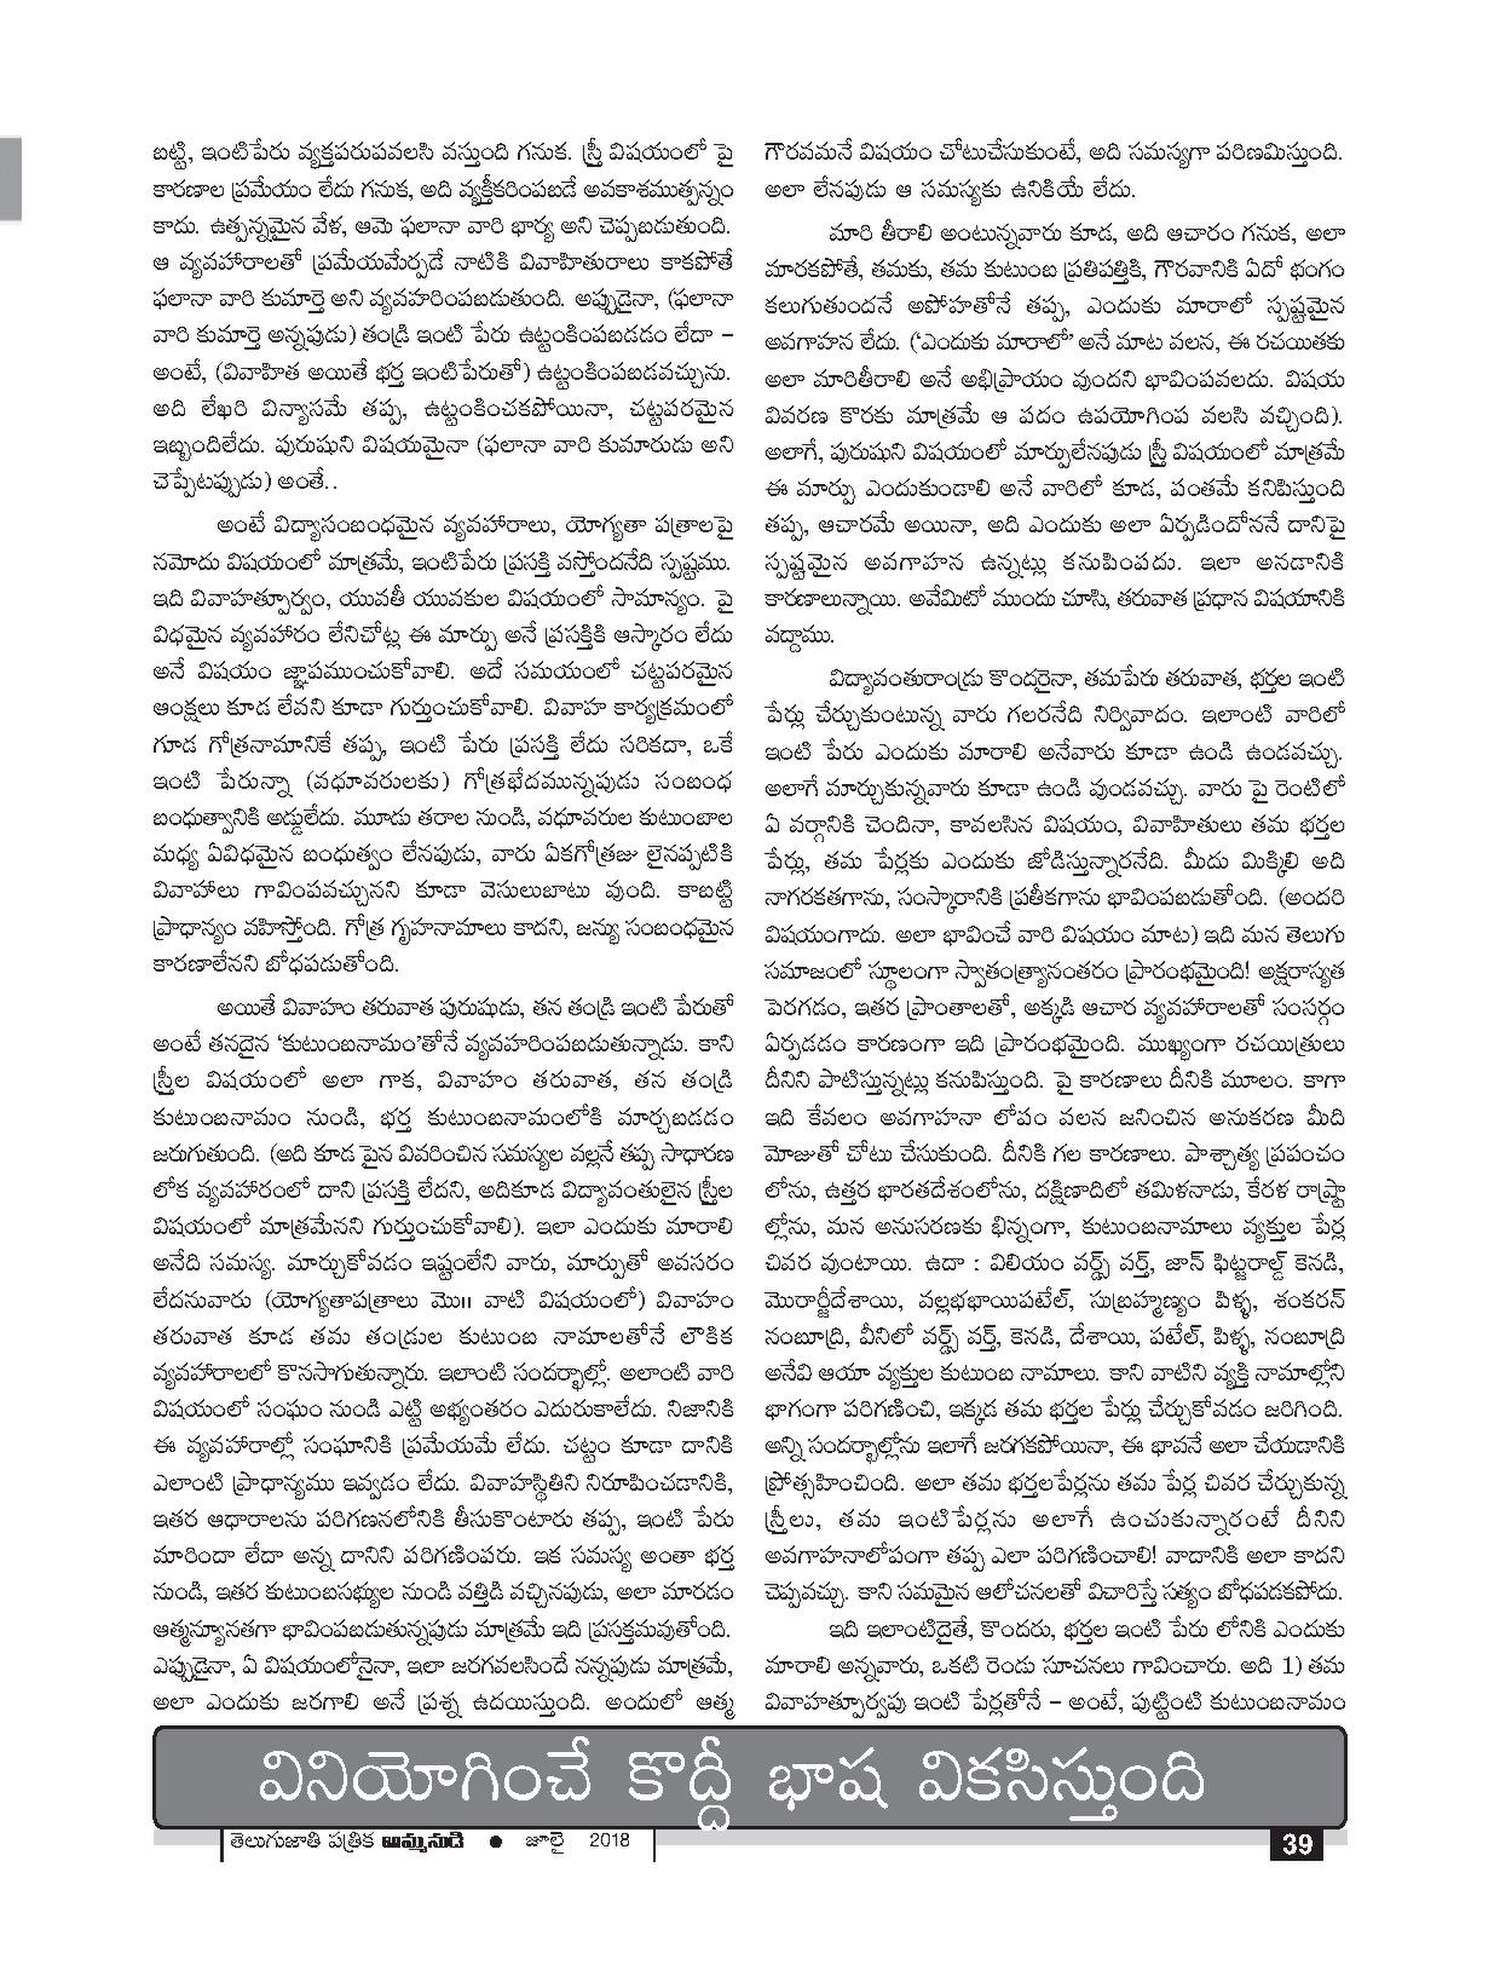బట్టి, ఇంటిపేరు వ్యక్తపరుపవలసి వస్తుంది గనుక. స్త్రీ విషయంలో పై కారణాల ప్రమేయం లేదు గనుక, అది వ్యక్తీకరింపబడే అవకాశముత్పన్నం కాదు. ఉత్పన్నమైన వేళ, ఆమె ఫలానా వారి భార్య అని చెప్పబడుతుంది. ఆ వ్యవహారాలతో ప్రమేయమేర్పడే నాటికి వివాహితురాలు కాకపోతే ఫలానా వారి కుమార్తె అని వ్యవహరింపబడుతుంది. అప్పుడైనా, (ఫలానా వారి కుమార్తె అన్నపుడు) తండ్రి ఇంటి పేరు ఉట్టంకింపబడడం లేదా - అంటే, (వివాహిత అయితే భర్త ఇంటిపేరుతో) ఉట్టంకింపబడవచ్చును . అది లేఖరి విన్యాసమే తప్ప, ఉట్టంకించకపోయినా, చట్టపరమైన ఇబ్బందిలేదు. పురుషుని విషయమైనా (ఫలానా వారి కుమారుడు అని చెప్పేటప్పుడు) అంతే...

అంటే విద్యాసంబంధమైన వ్యవహారాలు, యోగ్యతా పత్రాలపై నమోదు విషయంలో మాత్రమే, ఇంటిపేరు ప్రసక్తి వస్తోందనేది స్పష్టము. ఇది వివాహత్పూర్వం, యువతీ యువకుల విషయంలో సామాన్యం. పై విధమైన వ్యవహారం లేనిచోట్ల ఈ మార్పు అనే ప్రసక్తికి ఆస్కారం లేదు అనే విషయం జ్ఞాపముంచుకోవాలి. అదే సమయంలో చట్టపరమైన ఆంక్షలు కూడ లేవని కూడా గుర్తుంచుకోవాలి. వివాహ కార్యక్రమంలో గూడ గోత్రనామానికే తప్ప, ఇంటి పేరు ప్రసక్తి లేదు సరికదా, ఒకే ఇంటి పేరున్నా (వధూవరులకు) గోత్రభేదమున్నపుడు సంబంధ బంధుత్వానికి అడ్డులేదు. మూడు తరాల నుండి, వధూవరుల కుటుంబాల మధ్య ఏవిధమైన బంధుత్వం లేనపుడు, వారు ఏకగోత్రజు లైనప్పటికి
వివాహాలు గావింపవచ్చునని కూడా వెసులుబాటు వుంది. కాబట్టి ప్రాధాన్యం వహిస్తోంది. గోత్ర గృహనామాలు కాదని, జన్యు సంబంధమైన కారణాలేనని బోధపడుతోంది.

అయితే వివాహం తరువాత పురుషుడు, తన తండ్రి ఇంటి పేరుతో అంటే తనదైన 'కుటుంబనామం' తోనే వ్యవహరింపబడుతున్నాడు. కాని స్త్రీల విషయంలో అలా గాక, వివాహం తరువాత, తన తండ్రి
కుటుంబనామం నుండి, భర్త కుటుంబనామంలోకి మార్చబడడం జరుగుతుంది. (అది కూడ పైన వివరించిన సమస్యల వల్లనే తప్ప సాధారణ లోక వ్యవహారంలో దాని ప్రసక్తి లేదని, అదికూడ విద్యావంతులైన స్త్రీల విషయంలో మాత్రమేనని గుర్తుంచుకోవాలి). ఇలా ఎందుకు మారాలి
అనేది సమస్య. మార్చుకోవడం ఇష్టంలేని వారు, మార్పుతో అవసరం లేదనువారు (యోగ్యతాపత్రాలు మొ॥ వాటి విషయంలో) వివాహం తరువాత కూడ తమ తండ్రుల కుటుంబ నామాలతోనే లౌకిక
వ్యవహారాలలో కొనసాగుతున్నారు. ఇలాంటి సందర్భాల్లో, అలాంటి వారి విషయంలో సంఘం నుండి ఎట్టి అభ్యంతరం ఎదురుకాలేదు. నిజానికి ఈ వ్యవహారాల్లో సంఘానికి ప్రమేయమే లేదు. చట్టం కూడా దానికి ఎలాంటి ప్రాధాన్యము ఇవ్వడం లేదు. వివాహస్థితిని నిరూపించడానికి, ఇతర ఆధారాలను పరిగణనలోనికి తీసుకొంటారు తప్ప, ఇంటి పేరు మారిందా లేదా అన్న దానిని పరిగణింపరు. ఇక సమస్య అంతా భర్త నుండి, ఇతర కుటుంబసభ్యుల నుంది వత్తిడి వచ్చినపుడు, అలా మారడం
ఆత్మన్యూనతగా భావింపబడుతున్నపుడు మాత్రమే ఇది ప్రసక్తమవుతోంది. ఎప్పుడైనా, ఏ విషయంలోనైనా, ఇలా జరగవలసిందే నన్నప్రడు మాత్రమే, అలా ఎందుకు జరగాలి అనే ప్రశ్న ఉదయిస్తుంది. అందులో ఆత్మ గౌరవమనే విషయం చోటుచేసుకుంటే, అది సమస్యగా పరిణమిస్తుంది.
అలా లేనపుడు ఆ సమస్యకు ఉనికియే లేదు.

మారి తీరాలి అంటున్నవారు కూడ, అది ఆచారం గనుక, అలా మారకపోతే, తమకు, తమ కుటుంబ ప్రతిపత్తికి, గౌరవానికి ఏదో భంగం కలుగుతుందనే అపోహతోనే తప్ప, ఎందుకు మారాలో స్పష్టమైన
అవగాహన లేదు. ('ఎందుకు మారాలో' అనే మాట వలన, ఈ రచయితకు అలా మారితీరాలి అనే అభిప్రాయం వుందని భావింపవలదు. విషయ వివరణ కొరకు మాత్రమే ఆ పదం ఉపయోగింప వలసి వచ్చింది). అలాగే, పురుషుని విషయంలో మార్పులేనపుడు స్త్రీ విషయంలో మాత్రమే ఈ మార్పు ఎందుకుండాలి అనే వారిలో కూడ, పంతమే కనిపిస్తుంది తప్ప, ఆచారమే అయినా, అది ఎందుకు అలా ఏర్పడిందోననే దానిపై స్పష్టమైన అవగాహన ఉన్నట్లు కనుపింవదు. ఇలా అనడానికి
కారణాలున్నాయి. అవేమిటో ముందు చూసి, తరువాత ప్రధాన విషయానికి వద్దాము.

విద్యావంతురాండ్రు కొందరైనా, తమపేరు తరువాత, భర్తల ఇంటి పేర్లు చేర్చుకుంటున్న వారు గలరనేది నిర్వివాదం. ఇలాంటి వారిలో ఇంటి పేరు ఎందుకు మారాలి అనేవారు కూడా ఉండి ఉండవచ్చు.
అలాగే మార్చుకున్నవారు కూడా ఉండి వుండవచ్చు. వారు పై రెంటిలో ఏ వర్గానికి చెందినా, కావలసిన విషయం, వివాహితులు తమ భర్తల పేర్లు, తమ పేర్లకు ఎందుకు జోడిస్తున్నారనేది. మీదు మిక్కిలి అది
నాగరకతగాను, సంస్కారానికి ప్రతీకగాను భావింపబడుతోంది. (అందరి విషయంగాదు. అలా భావించే వారి విషయం మాట) ఇది మన తెలుగు సమాజంలో స్థూలంగా స్వాతంత్ర్యానంతరం ప్రారంభమైంది! అక్షరాస్యత పెరగడం, ఇతర ప్రాంతాలతో, అక్కడి ఆచార వ్యవహారాలతో సంసర్గం ఏర్పడడం కారణంగా ఇది ప్రారంభమైంది. ముఖ్యంగా రచయిత్రులు దీనిని పాటిస్తున్నట్లు కనుపిస్తుంది. పై కారణాలు దీనికి మూలం. కాగా ఇది కేవలం అవగాహనా లోపం వలన జనించిన అనుకరణ మీది మోజుతో చోటు చేసుకుంది. దీనికి గల కారణాలు. పాశ్చాత్య ప్రపంచం లోను, ఉత్తర భారతదేశంలోను, దక్షిణాదిలో తమిళనాడు, కేరళ రాష్ట్రాల్లోను, మన అనుసరణకు భిన్నంగా, కుటుంబనామాలు వ్యక్తుల పేర్ల చివర వుంటాయి. ఉదా : విలియం వర్డ్స్‌ వర్త్‌, జాన్‌ ఫిట్జరాల్డ్‌ కెనడి, మొరార్జీదేశాయి, వల్లభభాయిపటేల్, సుబ్రహ్మణ్యం పిళ్ళ, శంకరన్‌ నంబూద్రి, వీనిలో వర్డ్స్‌ వర్త్‌, కెనడి, దేశాయి, పటేల్‌, పిళ్ళ, నంబూద్రి
అనేవి ఆయా వ్యక్తుల కుటుంబ నామాలు. కాని వాటిని వ్యక్తి నామాల్లోని భాగంగా పరిగణించి, ఇక్కడ తమ భర్తల పేర్లు చేర్చుకోవడం జరిగింది. అన్ని సందర్భాల్లోను ఇలాగే జరగకపోయినా, ఈ భావనే అలా చేయడానికి ప్రోత్సహించింది. అలా తమ భర్తలపేర్లను తమ పేర్ల చివర చేర్చుకున్న స్రీలు, తమ ఇంటిపేర్లను అలాగే ఉంచుకున్నారంటే దీనిని అవగాహనాలోపంగా తప్ప ఎలా పరిగణించాలి! వాదానికి అలా కాదని చెప్పవచ్చు. కాని సమమైన ఆలోచనలతో విచారిస్తే సత్యం బోధపడకపోదు.

ఇది ఇలాంటిదైతే, కొందరు, భర్తల ఇంటి పేరు లోనికి ఎందుకు మారాలి అన్నవారు, ఒకటి రెండు సూచనలు గావించారు. అది 1) తమ వివాహత్పూర్వపు ఇంటి పేర్లతోనే - అంటే, పుట్టింటి కుటుంబనామం